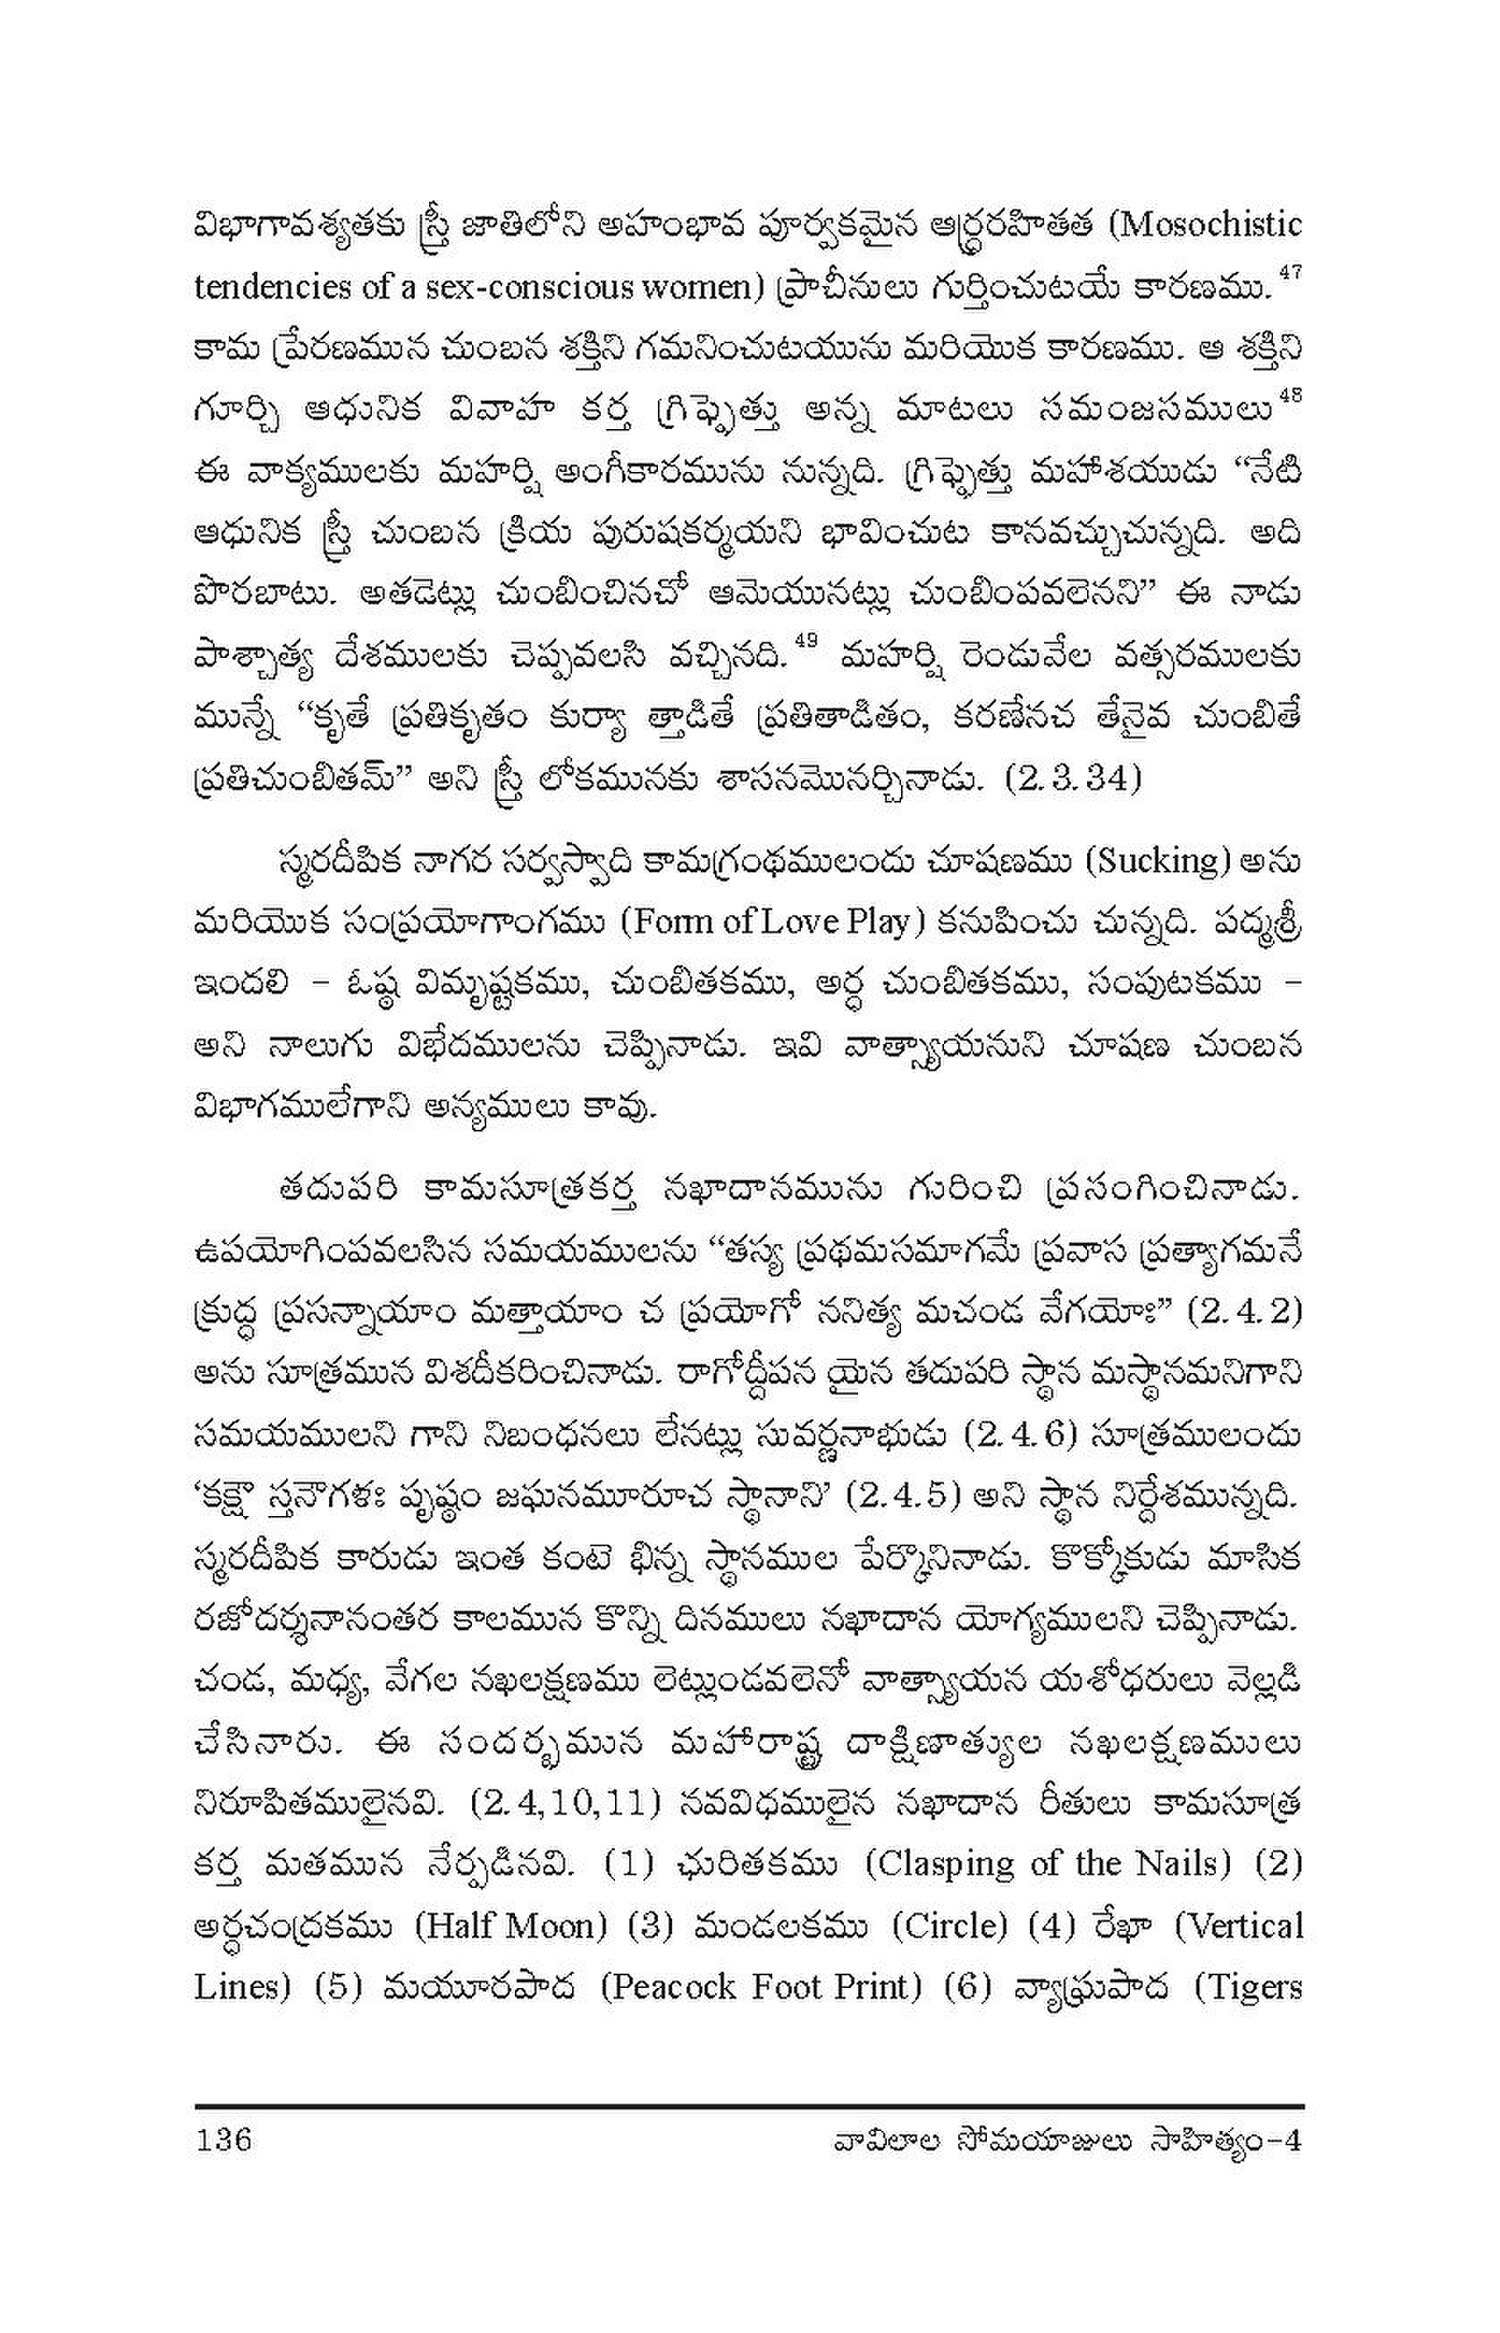విభాగావశ్యతకు స్త్రీ జాతిలోని అహంభావ పూర్వకమైన అర్ధరహితత (Mosochistic
tendencies of a sex-conscious women) ప్రాచీనులు గుర్తించుటయే కారణము. 
కామ ప్రేరణమున చుంబన శక్తిని గమనించుటయును మరియొక కారణము. ఆ శక్తిని
గూర్చి ఆధునిక వివాహ కర్త గ్రిఫ్ఫెత్తు అన్న మాటలు సమంజసములు 
ఈ వాక్యములకు మహర్షి అంగీకారమును నున్నది. గ్రిఫ్ఫెత్తు మహాశయుడు "నేటి
ఆధునిక స్త్రీ చుంబన క్రియ పురుషకర్మయని భావించుట కానవచ్చుచున్నది. అది
పొరబాటు. అతడెట్లు చుంబించినచో ఆమెయునట్లు చుంబింపవలెనని” ఈ నాడు
పాశ్చాత్య దేశములకు చెప్పవలసి వచ్చినది. " మహర్షి రెండువేల వత్సరములకు
మున్నే "కృతే ప్రతికృతం కుర్యా త్తాడితే ప్రతితాడితం, కరణేనచ తేనైవ చుంబితే
ప్రతిచుంబితమ్” అని స్త్రీ లోకమునకు శాసనమొనర్చినాడు. (2.3.34)

స్మరదీపిక నాగర సర్వస్వాది కామగ్రంథములందు చూషణము (Sucking) అను
మరియొక సంప్రయోగాంగము (Form of Love Play) కనుపించు చున్నది. పద్మశ్రీ
ఇందలి - ఓష్ఠ విమృష్టకము, చుంబితకము, అర్ధ చుంబితకము, సంపుటకము -
అని నాలుగు విభేదములను చెప్పినాడు. ఇవి వాత్స్యాయనుని చూషణ చుంబన
విభాగములేగాని అన్యములు కావు.

తదుపరి కామసూత్రకర్త నఖాదానమును గురించి ప్రసంగించినాడు.
ఉపయోగింపవలసిన సమయములను "తస్య ప్రథమసమాగమే ప్రవాస ప్రత్యాగమనే
క్రుద్ధ ప్రసన్నాయాం మత్తాయాం చ ప్రయోగో ననిత్య మచండ వేగయోః" (2.4.2)
అను సూత్రమున విశదీకరించినాడు. రాగోద్దీపన యైన తదుపరి స్థాన మస్థానమనిగాని
సమయములని గాని నిబంధనలు లేనట్లు సువర్ణనాభుడు (2.4.6) సూత్రములందు
'కక్షా స్తనౌగళః పృష్ఠం జఘనమూరూచ స్థానాని' (2.4.5) అని స్థాన నిర్దేశమున్నది.
స్మరదీపిక కారుడు ఇంత కంటే భిన్న స్థానముల పేర్కొనినాడు. కొక్కోకుడు మాసిక
రజోదర్శనానంతర కాలమున కొన్ని దినములు నఖాదాన యోగ్యములని చెప్పినాడు.
చండ, మధ్య, వేగల నఖలక్షణము లెట్లుండవలెనో వాత్స్యాయన యశోధరులు వెల్లడి
చేసినారు. ఈ సందర్భమున మహారాష్ట్ర దాక్షిణాత్యుల నఖలక్షణములు
నిరూపితములైనవి. (2.4,10,11) నవవిధములైన నఖాదాన రీతులు కామసూత్ర
కర్త మతమున నేర్పడినవి. (1) ఛురితకము (Clasping of the Nails) (2)
అర్ధచంద్రకము (Half Moon) (3) మండలకము (Circle) (4) రేఖా (Vertical
Lines) (5) మయూరపాద (Peacock Foot Print) (6) వ్యాఘ్రపాద (Tigers